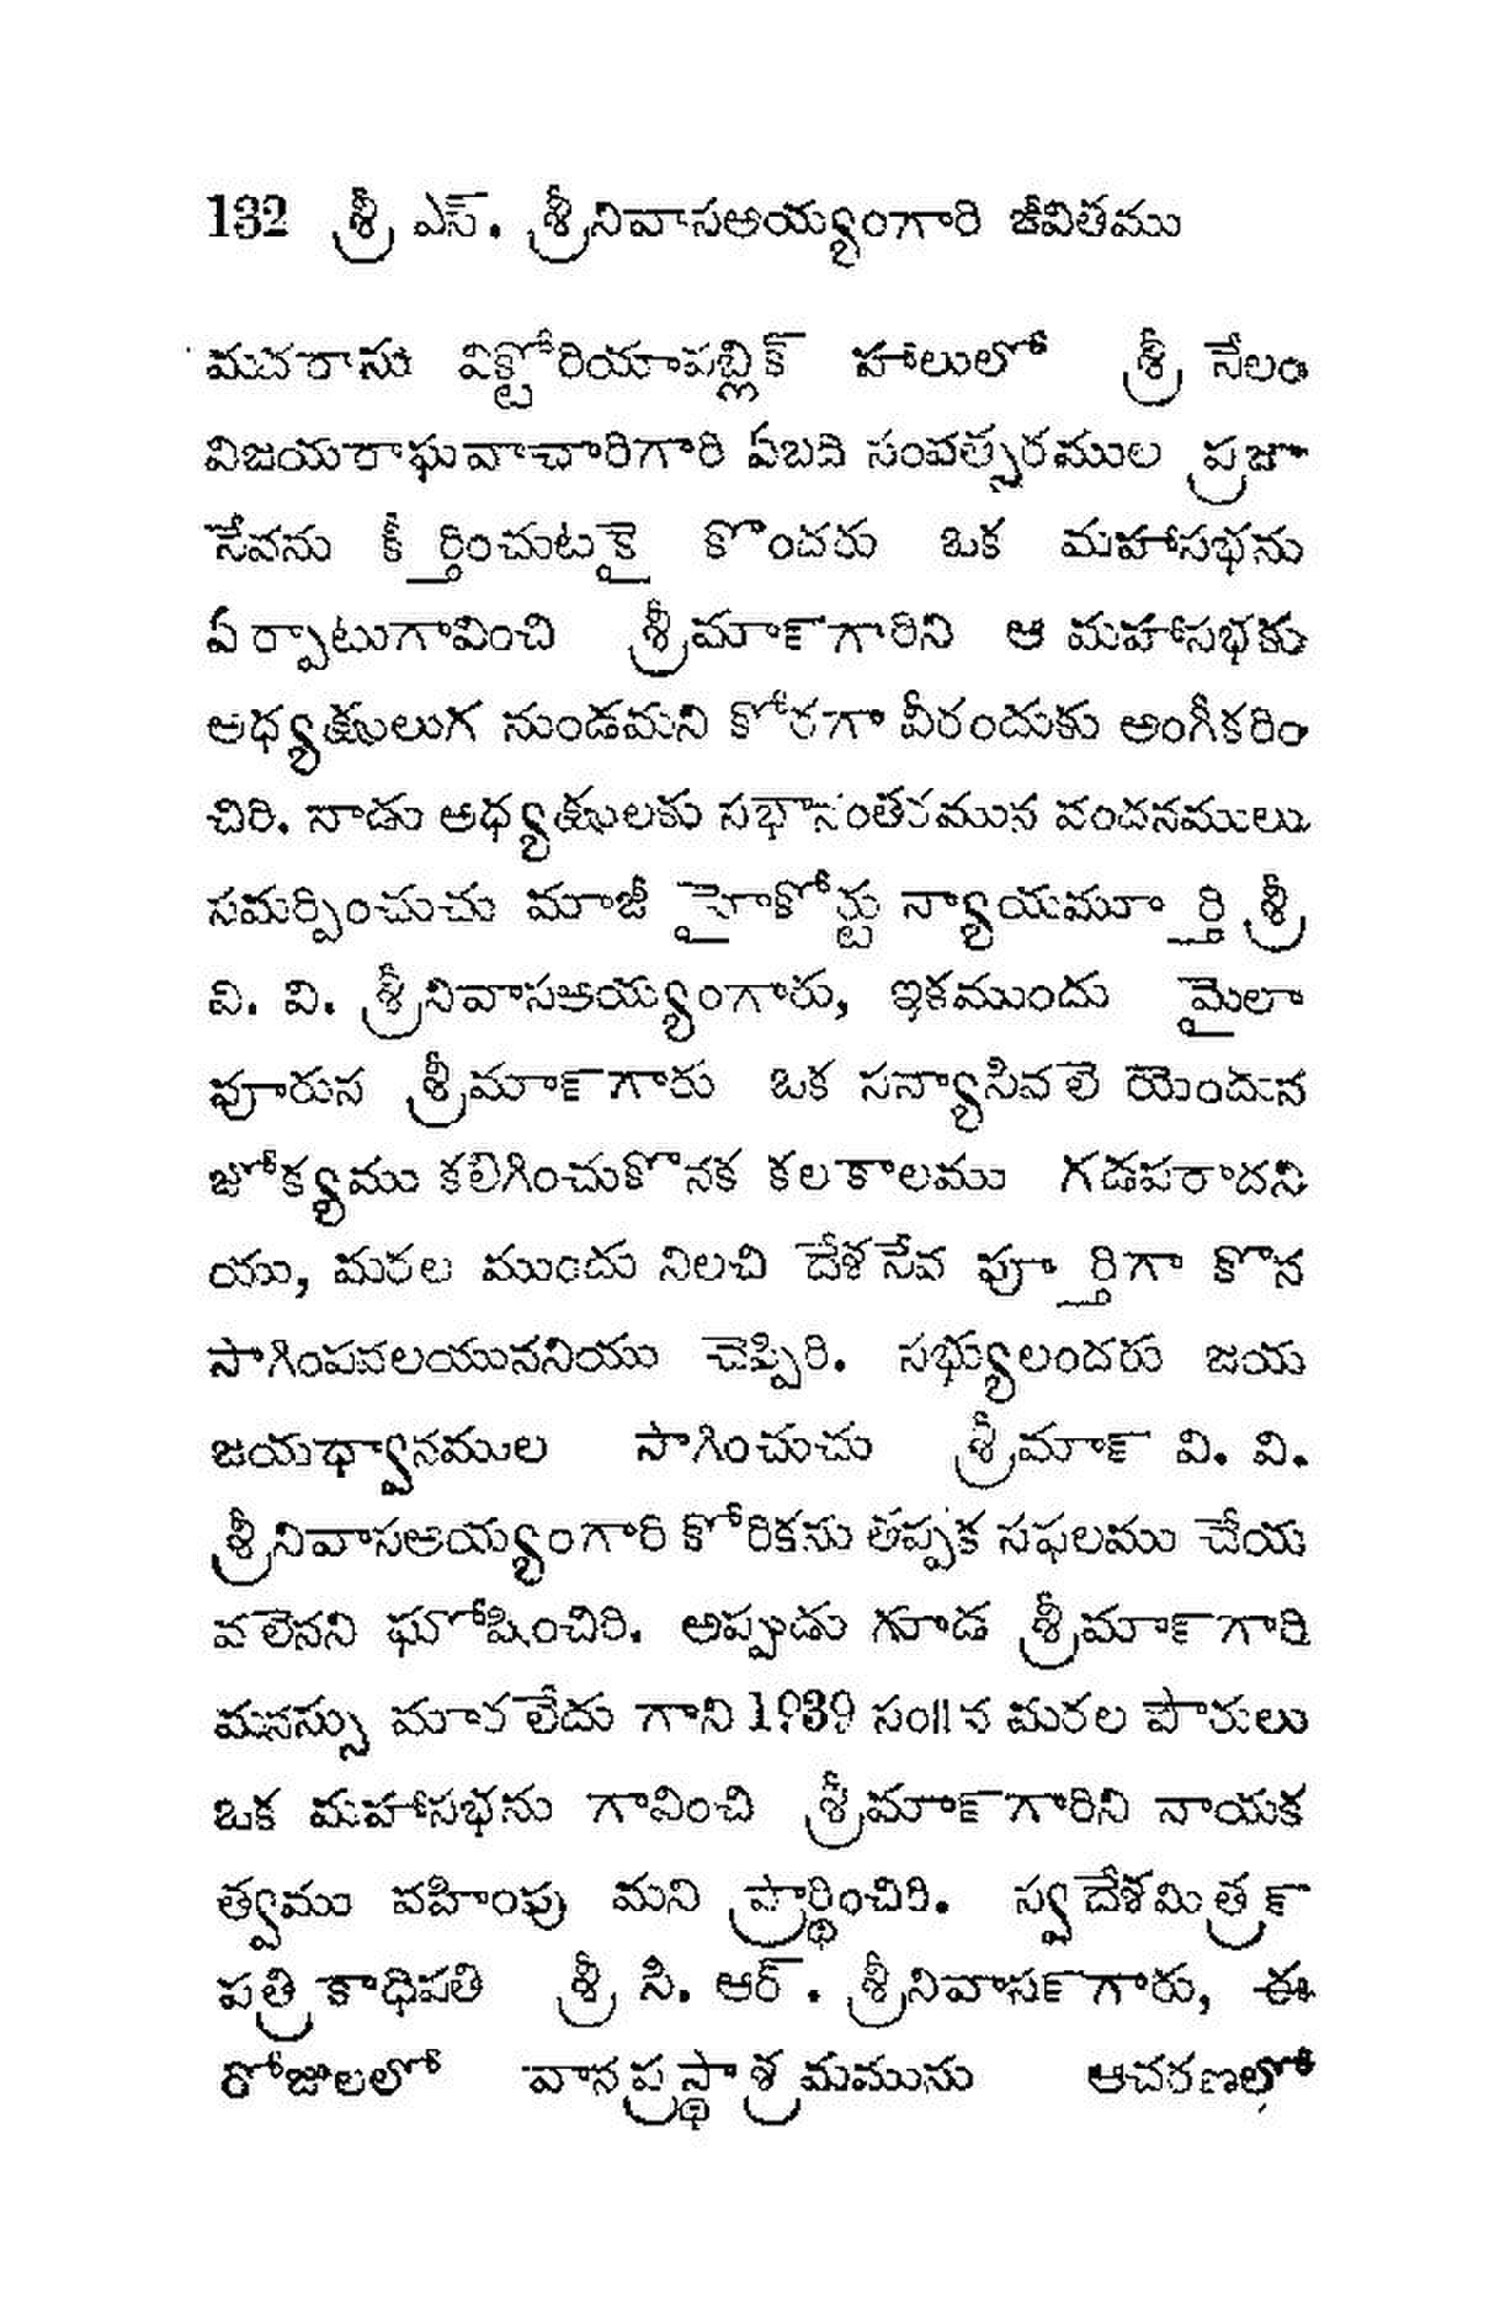మదరాసు విక్టోరియాపబ్లిక్ హాలులో శ్రీ సేలం విజయరాఘవాచారిగారి ఏబది సంవత్సరముల ప్రజాసేవను కీర్తించుటకై కొందరు ఒక మహాసభను ఏర్పాటుగావించి శ్రీమా౯గారిని ఆ మహాసభకు అధ్యక్షులుగ నుండమని కోరగా వీరందుకు అంగీకరించిరి. నాడు అధ్యక్షులకు సభానంతరమున వందనములు సమర్పించుచు మాజీ హైకోర్టు న్యాయమూర్తి శ్రీ వి. వి. శ్రీనివాసఅయ్యంగారు, ఇకముందు మైలావూరుస శ్రీమా౯గారు ఒక సన్యాసివలె యెందున జోక్యము కలిగించుకొనక కలకాలము గడపరాదనియు, మరల ముందు నిలచి దేశసేవ పూర్తిగా కొనసాగింపవలయుననియు చెప్పిరి. సభ్యులందరు జయ జయధ్వానముల సాగించుచు శ్రీమా౯ వి. వి. శ్రీనివాసఅయ్యంగారి కోరికను తప్పక సఫలము చేయవలెనని ఘోషించిరి. అప్పుడు గూడ శ్రీమా౯గారి మనస్సు మారలేదు గాని 1939 సం!! న మరల పౌరులు ఒక మహాసభను గానించి శ్రీమా౯గారిని నాయకత్వము వహింపు మని ప్రార్థించిరి. స్వదేశమిత్ర౯ పత్రికాధిపతి శ్రీ సి. ఆర్ . శ్రీనివాస౯గారు, ఈ రోజులలో వానప్రస్థాశ్రమమును ఆచరణలో